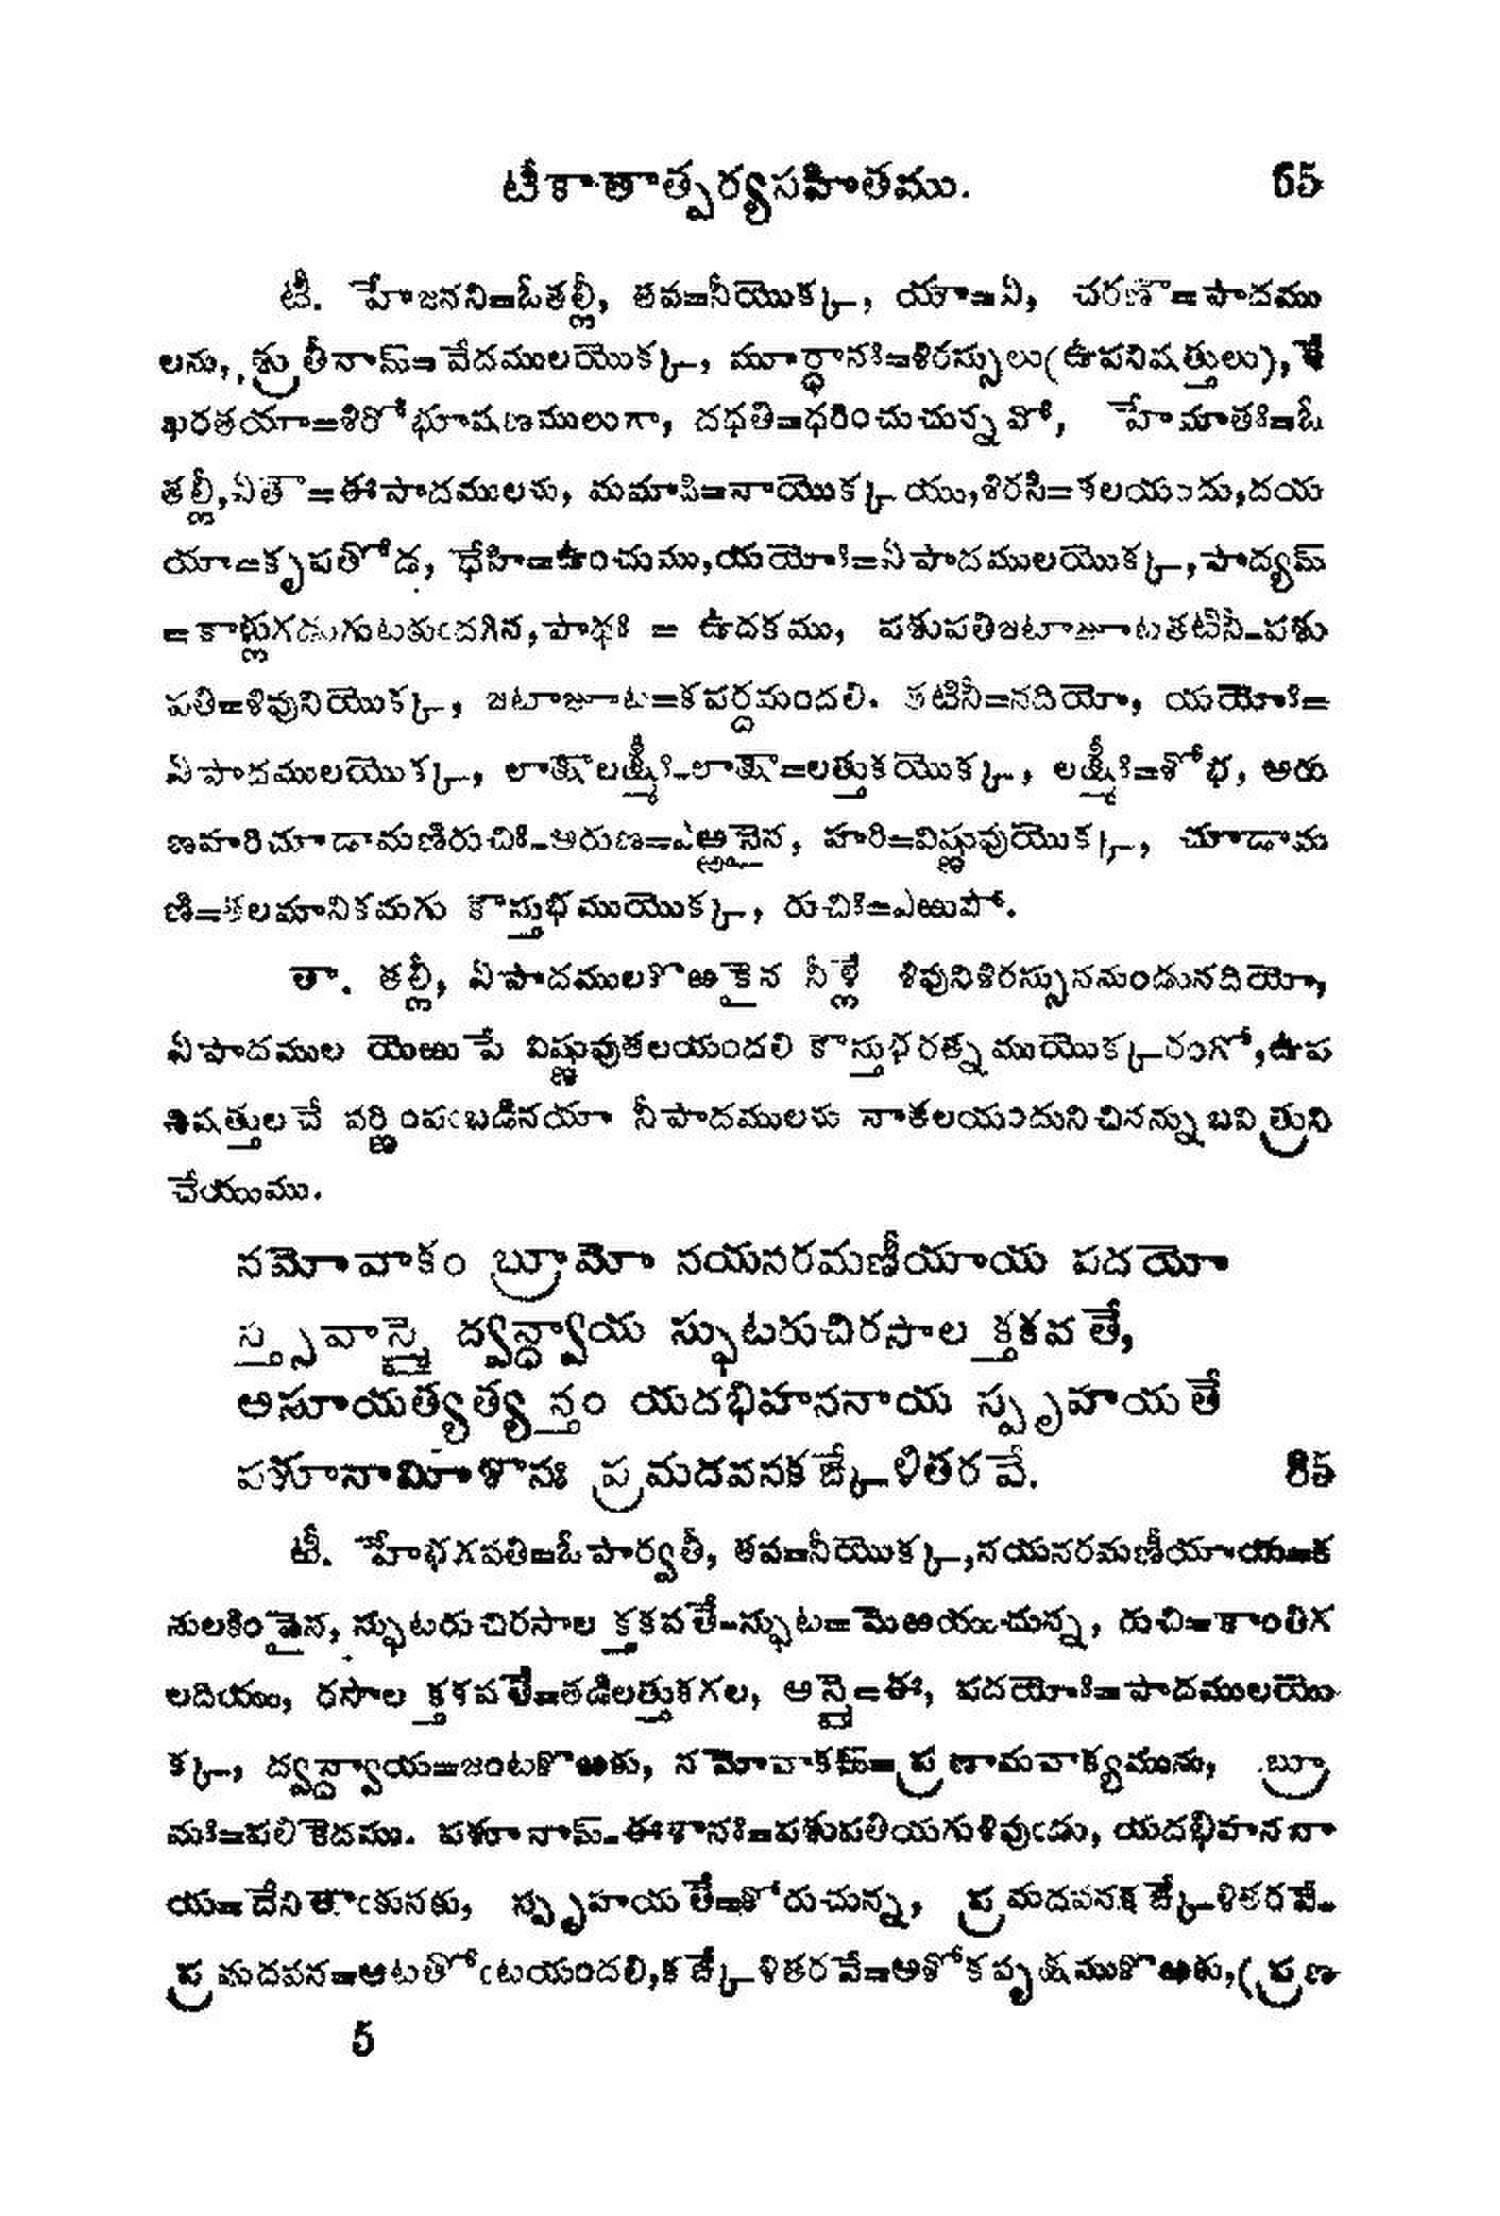టీ. హేజనని = ఓతల్లీ, తవ = నీయొక్క, యౌ = ఏ, చరణౌ = పాదములను, శ్రుతీనామ్ = వేదములయొక్క, మూర్ధానః = శిరస్సులు(ఉపనిషత్తులు), శేఖరతయా = శిరోభూషణములుగా, దధతి = ధరించుచున్నవో, హేమాతః = ఓతల్లీ, ఏతౌ = ఈపాదములను, మమాపి = నాయొక్కయు, శిరసి = తలయందు, దయయా = కృపతోడ, ధేహి = ఉంచుము, యయోః = ఏపాదములయొక్క, పాద్యమ్ = కాళ్లుగడుగుటకుఁదగిన, పాథః = ఉదకము, పశుపతిజటాజూటతటినీ-పశుపతి = శివునియొక్క, జటాజూట = కపర్దమందలి, తటినీ = నదియో, యయోః = ఏపాదములయొక్క, లక్షాలక్ష్మీః-లక్షా = లత్తుకయొక్క, లక్ష్మీః = శోభ, అరుణహరిచూడామణిరుచిః-అరుణ = ఎఱ్ఱనైన, హరి = విష్ణువుయొక్క, చూడామణి = తలమానికమగు కౌస్తుభముయొక్క, రుచిః = ఎఱుపో.

తా. తల్లీ, ఏపాదములకొఱకైన నీళ్లే శివునిశిరస్సుననుండునదియో, ఏపాదముల యెఱుపే విష్ణువుతలయందలి కౌస్తుభరత్నముయొక్కరంగో, ఉపనిషత్తులచే వర్ణింపఁబడినయా నీపాదములను నాతలయం దునిచి నన్ను బవిత్రుని చేయుము. 

నమోవాకం బ్రూమో నయనరమణీయాయ పదయో
స్స్తవాస్మై ద్వన్ద్వాయ స్ఫుటరుచిరసాలక్తకవతే,
అసూయత్యత్యన్తం యదభిహననాయ స్పృహయతే
పశూనామీశానః ప్రమదవనకఙ్కేళితరవే. 85
టీ. హేభగవతి = ఓపార్వతీ, తవ = నీయొక్క, నయనరమణీయాయ = కనులకింపైన, స్ఫుటరుచిరసాలక్తకవతే-స్ఫుట = మెఱయుచున్న, రుచి = కాంతిగలదియు, రసాలక్తకవతే = తడిలత్తుకగల, అస్మై = ఈ, పదయోః = పాదములయొక్క, ద్వన్ద్వాయ = జంటకొఱకు, నమోవాకమ్ = ప్రణామవాక్యమును, బ్రూమః = పలికెదము. పశూనామ్-ఈశానః = పశుపతియగుశివుఁడు, యదభిహనవాయ = దేనితాఁకునకు, స్పృహయతే = కోరుచున్న, ప్రమదవనకఙ్కేళితరవే-ప్రమదవన = ఆటతోఁటయందలి, కఙ్కేళితరవే = అశోకవృక్షముకొఱకు, (ప్రణ